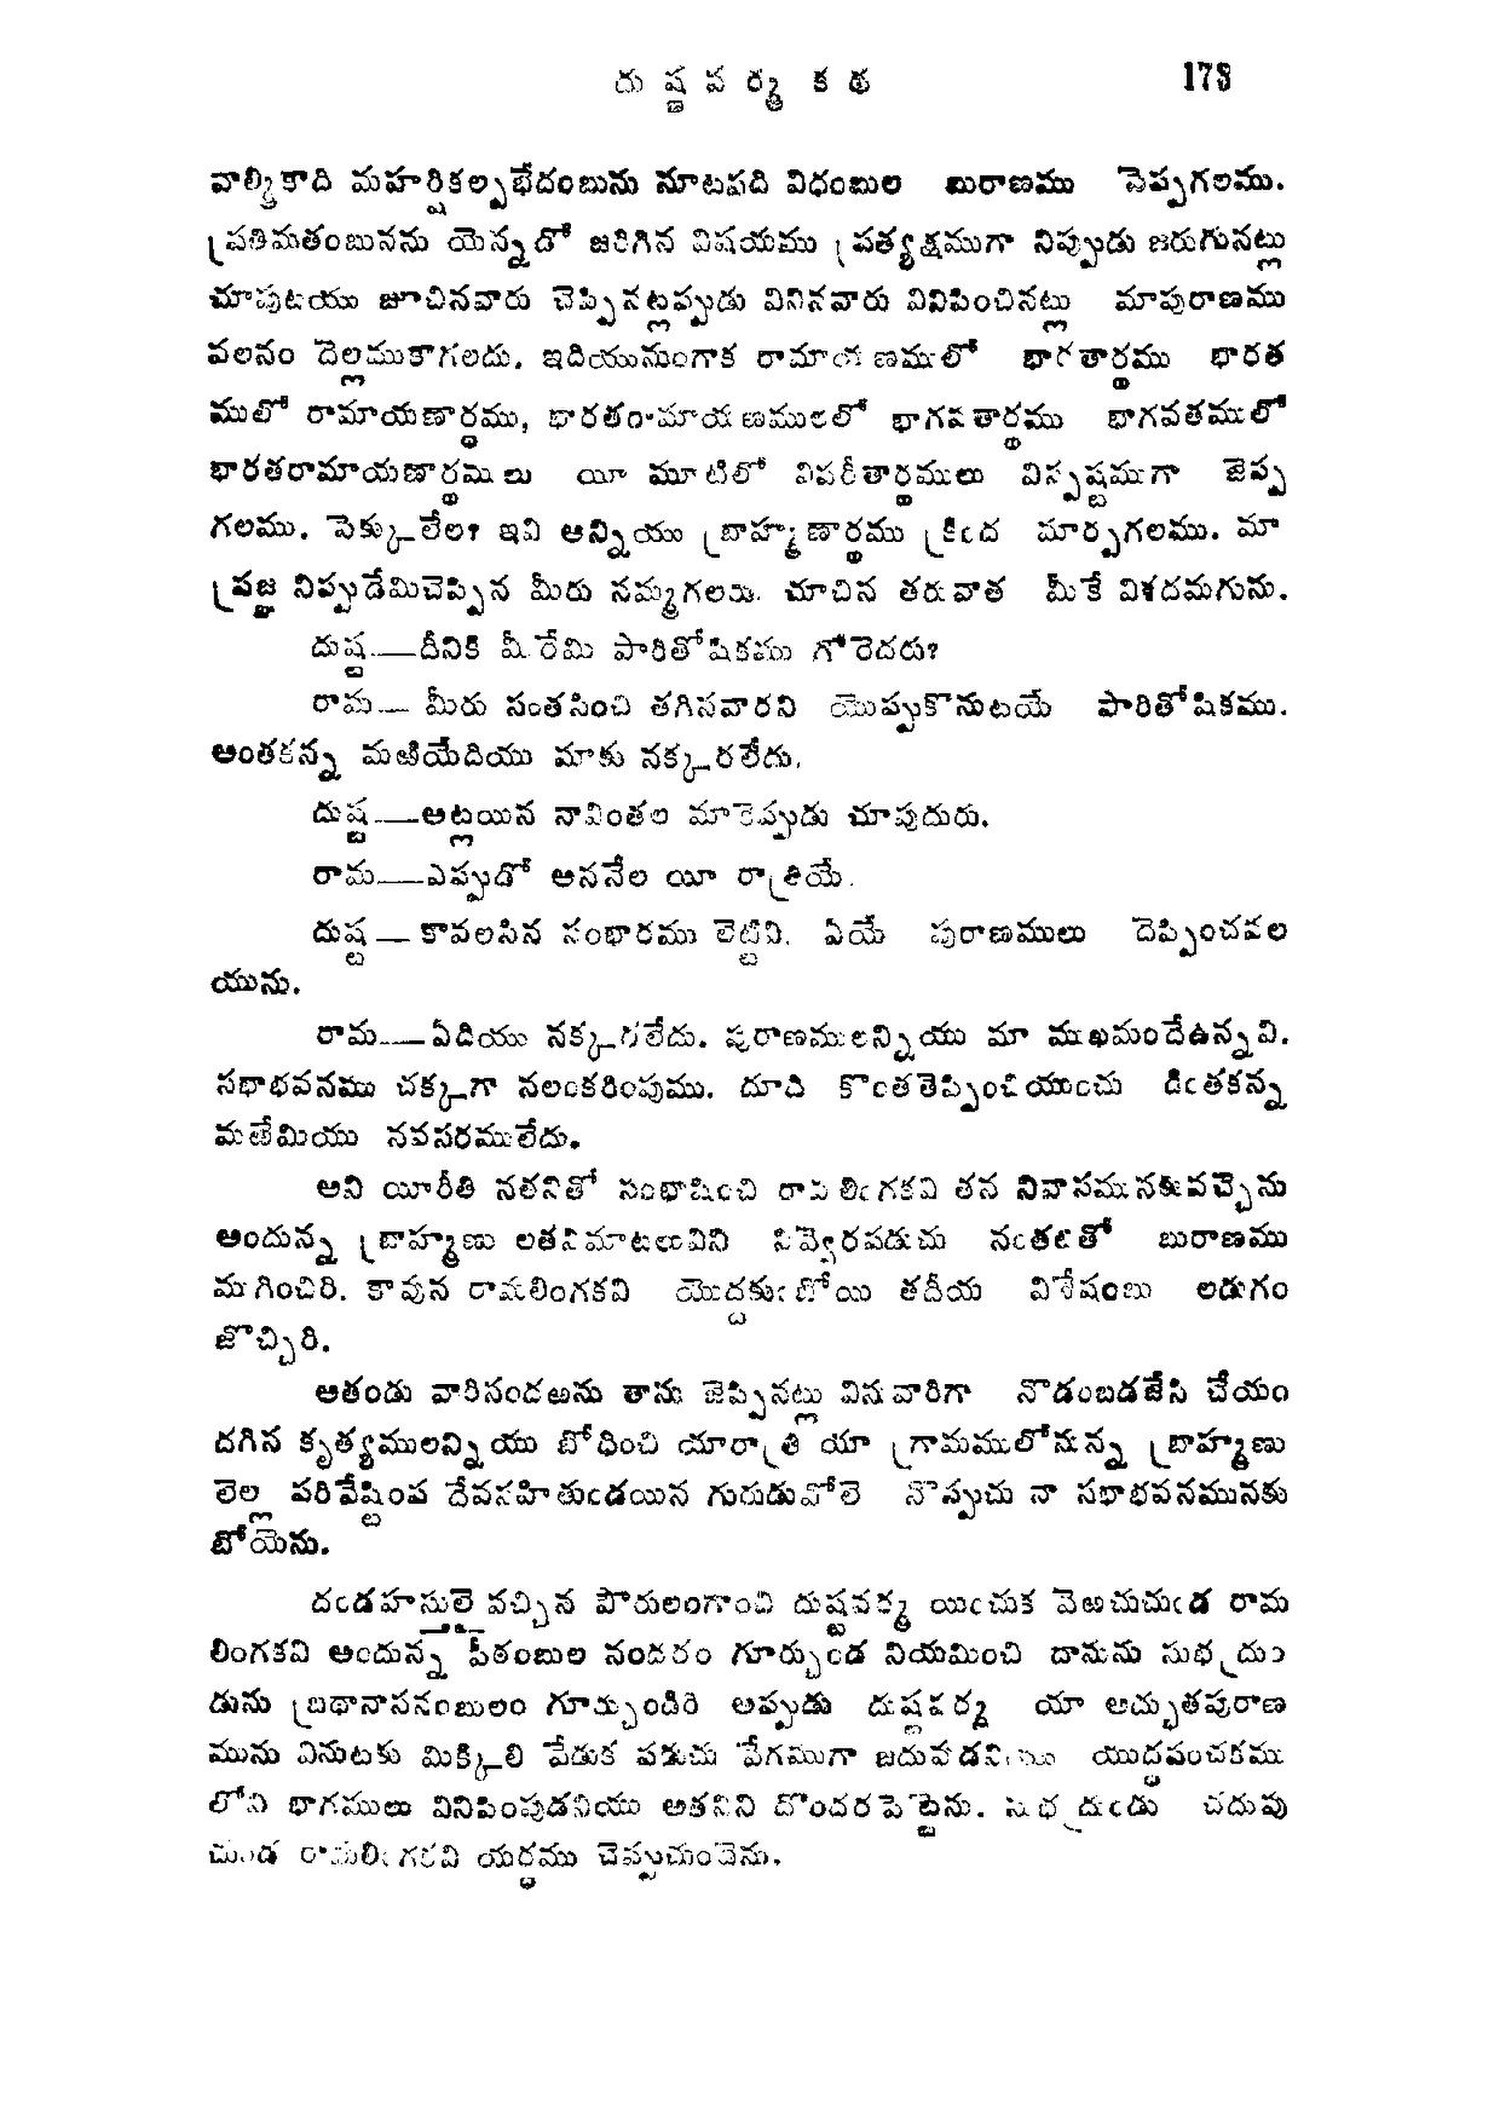వాల్మికాది మహర్షికల్పభేదంబును నూటపది విధంబుల బురాణము సెప్పగలము. ప్రతిమతంబునను యెన్నడో జరిగిన విషయము ప్రత్యక్షముగా నిప్పుడు జరుగునట్లు చూపుటయు జూచినవారు చెప్పినట్లప్పుడు వినినవారు వినిపించినట్లు మాపురాణము వలనం దెల్లముకాగలదు. ఇదియునుంగాక రామాయణములో భారతార్థము భారతములో రామాయణార్ధము, భారతరామాయణములలో భాగవతార్థము భాగవతములో భారతరామాయణార్థములు యీ మూటిలో విపరీతార్థములు విస్పష్టముగా జెప్పగలము. పెక్కులేల? ఇవి అన్నియు బ్రాహ్మణార్థము క్రింద మార్పగలము. మా ప్రజ్ఞ నిప్పుడేమిచెప్పిన మీరు నమ్మగలరు. చూచిన తరువాత మీకే విశదమగును.

దుష్ట - దీనికి మీరేమి పారితోషికము గోరెదరు?

రామ - మీరు సంతసించి తగినవారని యొప్పుకొనుటయే పారితోషికము. అంతకన్న మఱియేదియు మాకు నక్కరలేదు.

దుష్ట - అట్లయిన నావింతల మాకెప్పుడు చూపుదురు.

రామ - ఎప్పుడో అననేల యీ రాత్రియే.

దుష్ట - కావలసిన సంభారము లెట్టివి. ఏయే పురాణములు దెప్పించవలయును.

రామ - ఏదియు నక్కరలేదు. పురాణములన్నియు మా ముఖమందేఉన్నవి. సభాభవనము చక్కగా నలంకరింపుము. దూది కొంతతెప్పించియుంచు డింతకన్న మఱేమియు నవసరములేదు.

అని యీరీతి నతనితో సంభాషించి రామలింగకవి తన నివాసమునకువచ్చెను. అందున్న బ్రాహ్మణు లతనిమాటలువిని నివ్వెరపడుచు నంతటితో బురాణము ముగించిరి. కావున రామలింగకవి యొద్దకుఁబోయి తదీయవిశేషంబు లడుగం జొచ్చిరి.

ఆతండు వారినందఱను తాను జెప్పినట్లు వినువారిగా నొడంబడజేసి చేయందగిన కృత్యములన్నియు బోధించి యారాత్రి యా గ్రామములోనున్న బ్రాహ్మణు లెల్ల పరివేష్టింప దేవసహితుండయిన గురుడువోలె నొప్పుచు నా సభాభవనమునకు బోయెను.

దండహస్తులై వచ్చిన పౌరుల గాంచి దుష్టవర్మ యించుక వెఱచుచుండ రామలింగకవి అందున్న పీఠంబుల నందరం గూర్చుండ నియమించి దానును సుభద్రుండును బ్రధానాసనంబులం గూర్చుండిరి. అప్పుడు దుష్టవర్మ యా అద్భుతపురాణమును వినుటకు మిక్కిలి వేడుక పడుచు వేగముగా జదువుడనియు యుద్దపంచకములోని భాగములు వినిపింపుడనియు అతనిని దొందరపెట్టెను. సుభద్రుండు చదువుచుండ రామలింగకవి యర్ధము చెప్పుచుండెను.